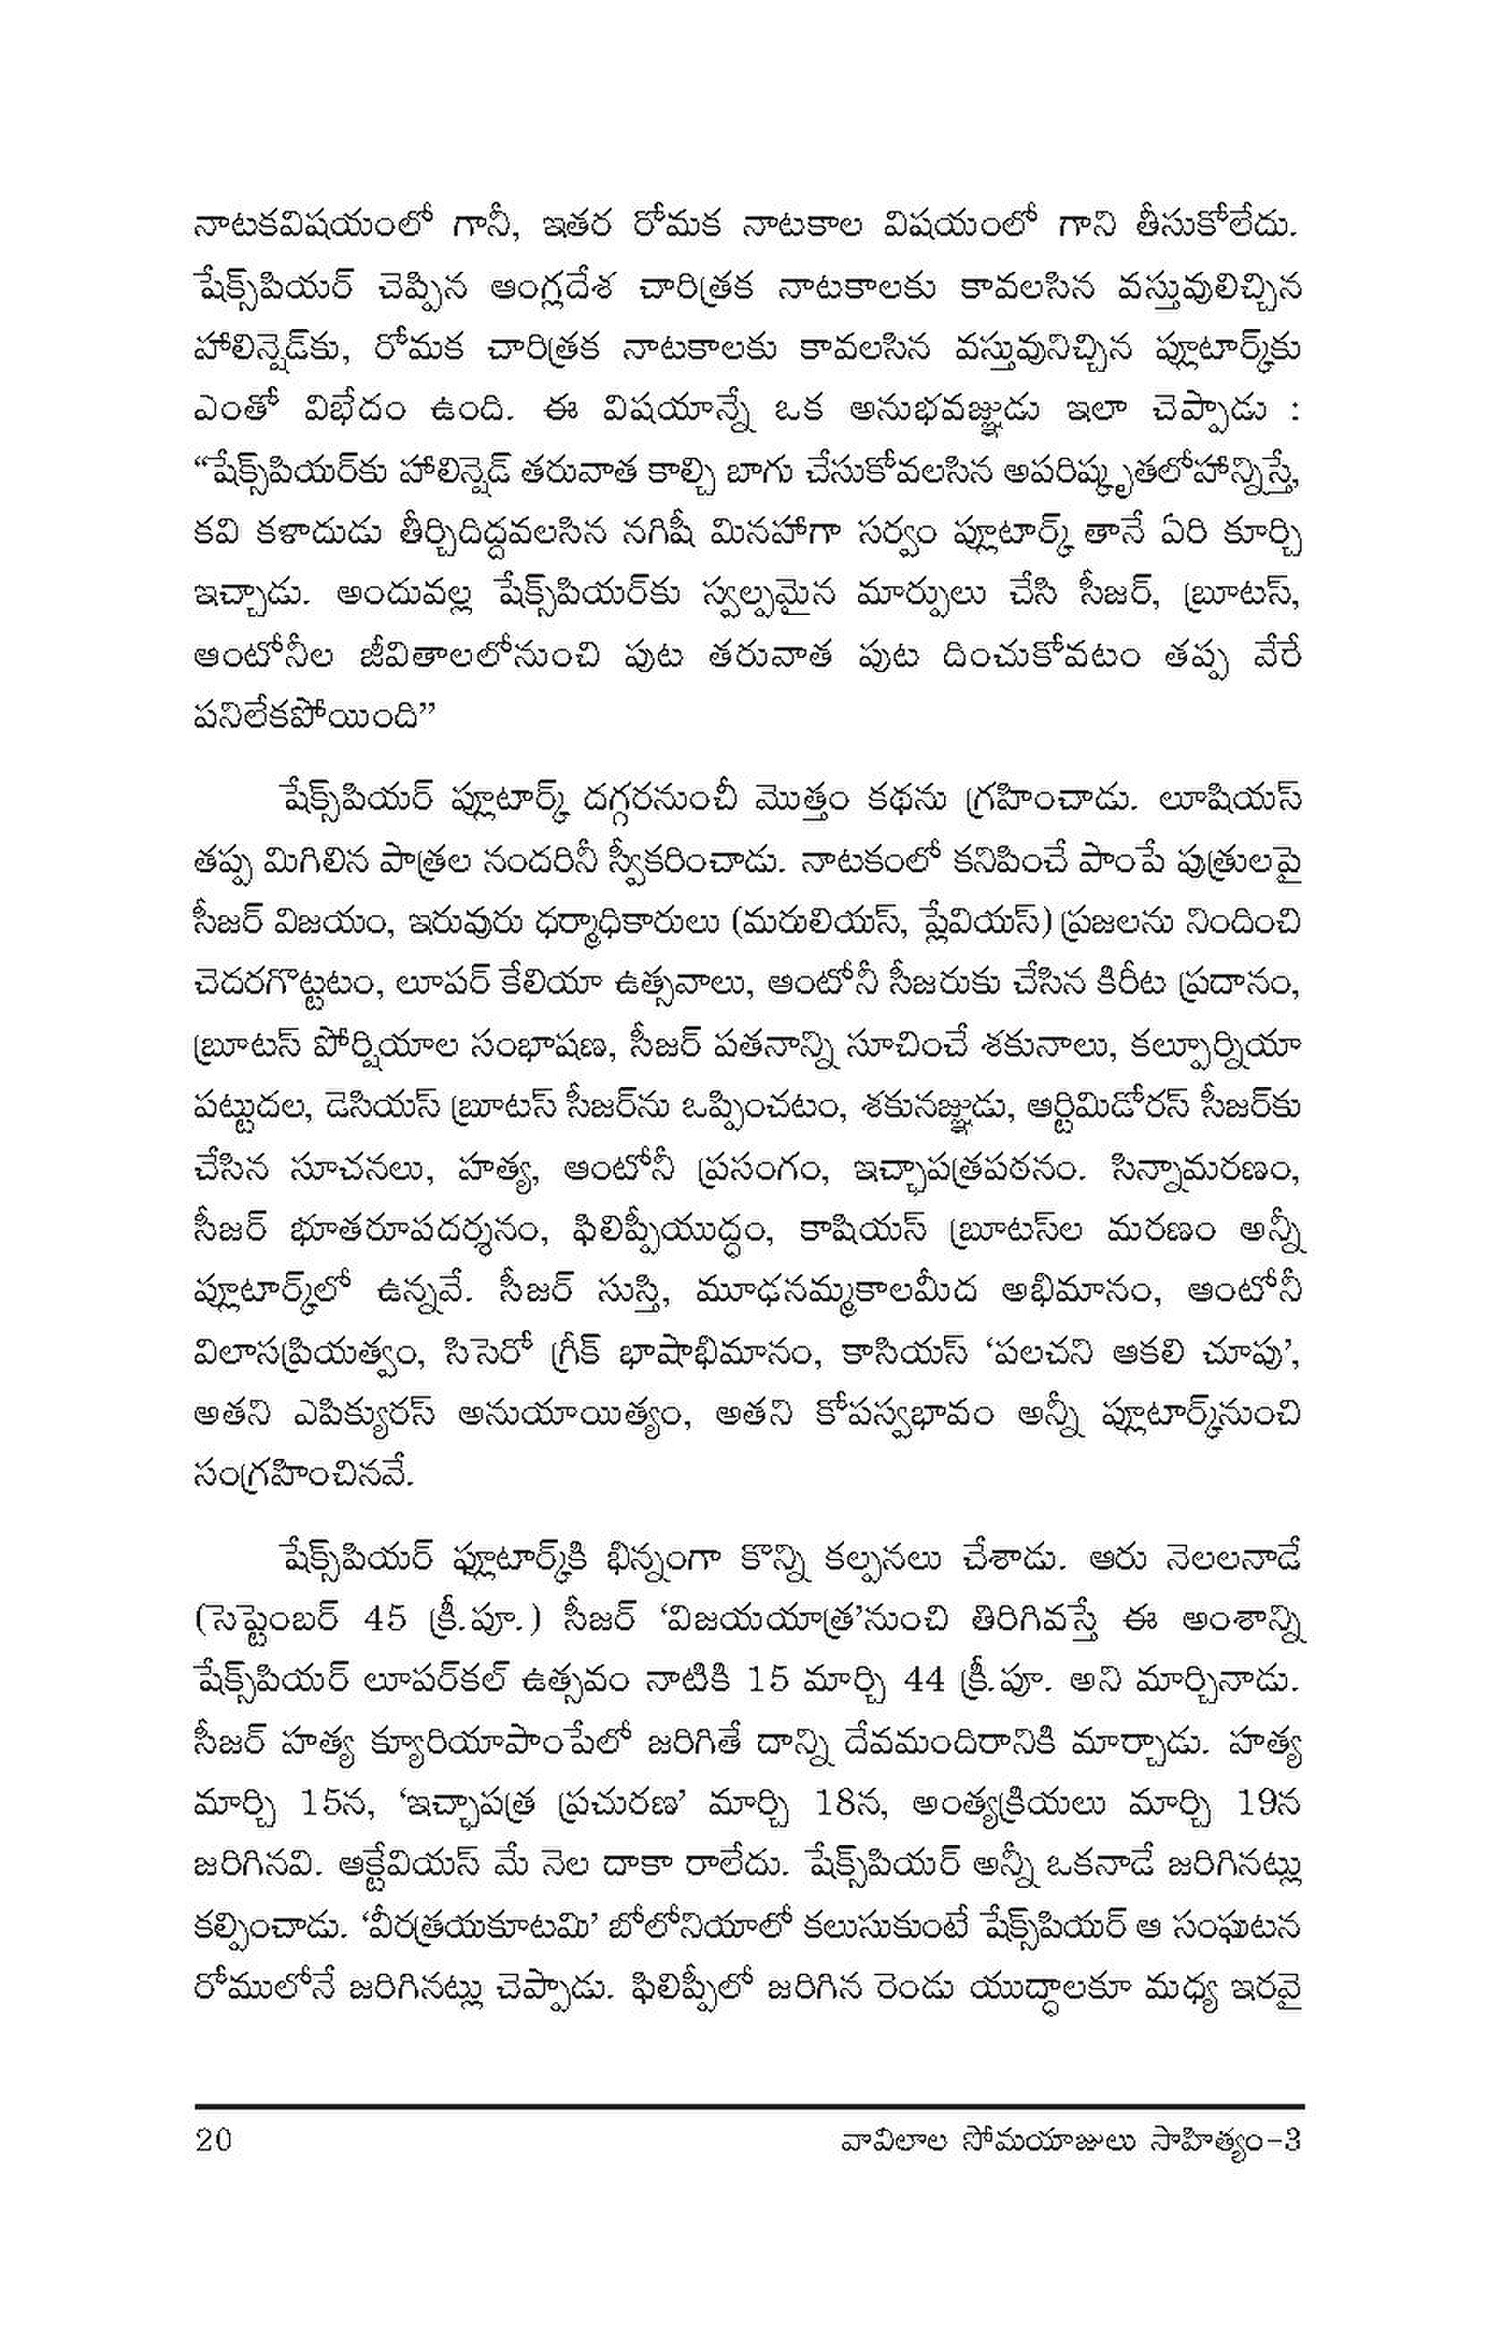నాటకవిషయంలో గానీ, ఇతర రోమక నాటకాల విషయంలో గాని తీసుకోలేదు.
షేక్స్పియర్ చెప్పిన ఆంగ్లదేశ చారిత్రక నాటకాలకు కావలసిన వస్తువులిచ్చిన హాలిన్షెడ్ కు, రోమక చారిత్రక నాటకాలకు కావలసిన వస్తువునిచ్చిన ప్లూటార్క్ కు ఎంతో విభేదం ఉంది. ఈ విషయాన్నే ఒక అనుభవజ్ఞుడు ఇలా చెప్పాడు: "షేక్స్పియరు హాలిన్షెడ్ తరువాత కాల్చి బాగు చేసుకోవలసిన అపరిష్కృతలోహాన్నిస్తే, కవి కళాదుడు తీర్చిదిద్దవలసిన నగిషీ మినహాగా సర్వం ప్లూటార్క్ తానే ఏరి కూర్చి ఇచ్చాడు. అందువల్ల షేక్స్ పియర్ కు స్వల్పమైన మార్పులు చేసి సీజర్, బ్రూటస్, ఆంటోనీల జీవితాలలోనుంచి పుట తరువాత పుట దించుకోవటం తప్ప వేరే
పనిలేకపోయింది”
షేక్స్పియర్ ప్లూటార్క్ దగ్గరనుంచీ మొత్తం కథను గ్రహించాడు. లూషియస్
తప్ప మిగిలిన పాత్రల నందరినీ స్వీకరించాడు. నాటకంలో కనిపించే పాంపే పుత్రులపై సీజర్ విజయం, ఇరువురు ధర్మాధికారులు (మరులియస్, ప్లేవియస్) ప్రజలను నిందించి చెదరగొట్టటం, లూపర్ కేలియా ఉత్సవాలు, ఆంటోనీ సీజరుకు చేసిన కిరీట ప్రదానం, బ్రూటస్ పోర్షియాల సంభాషణ, సీజర్ పతనాన్ని సూచించే శకునాలు, కల్పూర్నియా పట్టుదల, డెసియస్ బ్రూటస్ సీజర్ను ఒప్పించటం, శకునజ్ఞుడు, ఆర్టిమిడోరస్ సీజర్ కు
చేసిన సూచనలు, హత్య, ఆంటోనీ ప్రసంగం, ఇచ్ఛాపత్రపఠనం. సిన్నామరణం, సీజర్ భూతరూపదర్శనం, ఫిలిప్పీయుద్ధం, కాషియస్ బ్రూటస్ ల మరణం అన్నీ ప్లూటార్క్ లో ఉన్నవే. సీజర్ సుస్తి, మూఢనమ్మకాలమీద అభిమానం, ఆంటోనీ విలాసప్రియత్వం, సిసెరో గ్రీక్ భాషాభిమానం, కాసియస్ 'పలచని ఆకలి చూపు', అతని ఎపిక్యురస్ అనుయాయిత్యం, అతని కోపస్వభావం అన్నీ ప్లూటార్క్ నుంచి సంగ్రహించినవే.
షేక్స్పియర్ ప్లూటార్క్ కి భిన్నంగా కొన్ని కల్పనలు చేశాడు. ఆరు నెలలనాడే
(సెప్టెంబర్ 45 క్రీ.పూ.) సీజర్ 'విజయయాత్ర'నుంచి తిరిగివస్తే ఈ అంశాన్ని
షేక్స్పియర్ లూపర్ కల్ ఉత్సవం నాటికి 15 మార్చి 44 క్రీ.పూ. అని మార్చినాడు. సీజర్ హత్య క్యూరియాపాంపేలో జరిగితే దాన్ని దేవమందిరానికి మార్చాడు. హత్య మార్చి 15న, 'ఇచ్ఛాపత్ర ప్రచురణ' మార్చి 18న, అంత్యక్రియలు మార్చి 19న జరిగినవి. ఆక్టేవియస్ మే నెల దాకా రాలేదు. షేక్స్పియర్ అన్నీ ఒకనాడే జరిగినట్లు కల్పించాడు. 'వీరత్రయకూటమి' బోలోనియాలో కలుసుకుంటే షేక్స్పియర్ ఆ సంఘటన రోములోనే జరిగినట్లు చెప్పాడు. ఫిలిప్పీలో జరిగిన రెండు యుద్ధాలకూ మధ్య ఇరవై

20 వావిలాల సోమయాజులు సాహిత్యం-3